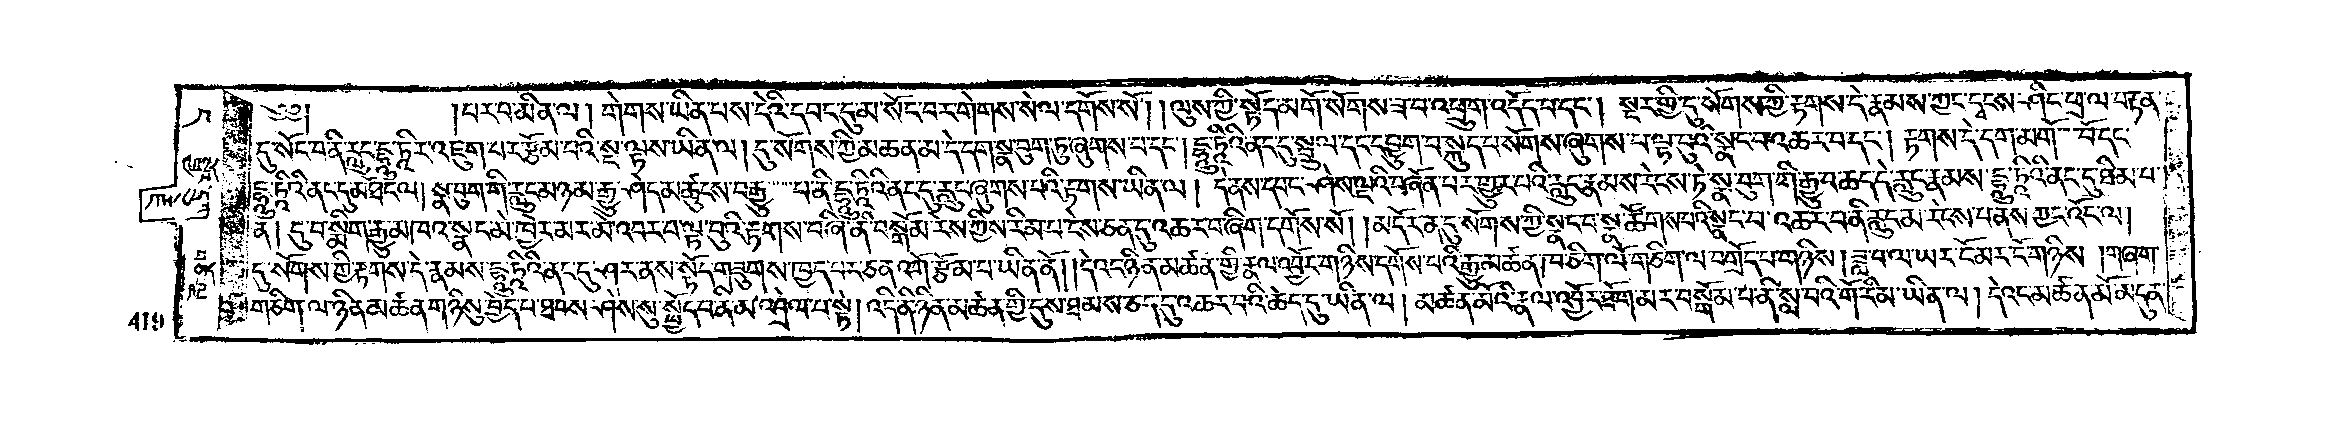༄༅། །པར་བ་མིན་ལ། གེགས་ཡིན་པས་དེའི་དབང་དུ་མ་སོང་བར་གེགས་སེལ་དགོས་སོ། །ལུས་ཀྱི་སྟོད་མགོ་སོགས་ཟ་བ་འཕྲུག་འདོད་པ་དང་། སྔར་གྱི་དུ་སོགས་ཀྱི་རྟགས་དེ་རྣམས་ཀྱང་དྭངས་ཤིང་ཕྲ་ལ་བརྟན་
དུ་སོང་བ་ནི་རླུང་དྷཱུ་ཏཱིར་འཇུག་པར་རྩོམ་པའི་སྔ་ལྟས་ཡིན་ལ། དུ་སོགས་ཀྱི་མཚན་མ་དེ་དག་སྣ་བུག་ཏུ་ཞུགས་པ་དང་། དྷཱུ་ཏཱིའི་ནང་དུ་སྤྲུལ་དང་དབྱུག་པ་སྐུད་པ་སོགས་ཞུགས་པ་ལྟ་བུའི་སྣང་བ་འཆར་བ་དང་། རྟགས་དེ་དག་མགོ་བོ་དང་
དྷཱུ་ཏཱིའི་ནང་དུ་མཐོང་ལ། སྣ་བུག་གི་རླུང་མཉམ་རྒྱུ་ཤེད་མཚུངས་བརྒྱུ་པ་ནི་དྷཱུ་ཏཱིའི་ནང་དུ་རླུང་ཞུགས་པའི་རྟགས་ཡིན་ལ། དེ་ནས་དབང་ཤེས་ལྔའི་བཞོན་པར་གྱུར་པའི་རླུང་རྣམས་རེངས་ཏེ་སྣ་བུག་གི་རྒྱུ་བ་ཆད་དེ་རླུང་རྣམས་དྷཱུ་ཏཱིའི་ནང་དུ་ཐིམ་པ་
ན། དུ་བ་སྨིག་རྒྱུ་མཁའ་སྣང་མེ་ཁྱེར་མར་མེ་འབར་བ་ལྟ་བུའི་རྟགས་བཞི་ནི་བསྒོམ་རེས་ཀྱིས་རིམ་པ་ངེས་ཅན་དུ་འཆར་བ་ཞིག་དགོས་སོ། །མདོར་ན་དུ་སོགས་ཀྱི་སྣང་བ་སྣ་ཚོགས་པའི་སྣང་བ་འཆར་བ་ནི་རླུང་མ་རེངས་པ་ནས་ཀྱང་འོང་ལ།
དུ་སོགས་ཀྱི་རྟགས་དེ་རྣམས་དྷཱུ་ཏཱིའི་ནང་དུ་ཤར་ནས་སྟོད་གཟུགས་ཁྱད་པར་ཅན་འགོ་རྩོམ་པ་ཡིན་ནོ། །དེའང་ཉིན་མཚན་གྱི་རྣལ་འབྱོར་གཉིས་དགོས་པའི་རྒྱུ་མཚན་ཁ་ཅིག་ལོ་གཅིག་ལ་བགྲོད་པ་གཉིས། ཟླ་བ་ལ་ཡར་ངོ་མར་ངོ་གཉིས། གཞག་
གཅིག་ལ་ཉིན་མཚན་གཉིས་སུ་བྱེད་པ་ཐབས་ཤེས་སུ་སྤྱོད་པ་ནི་མ་འབྲེལ་པ་སྟེ། འདི་ནི་ཉིན་མཚན་གྱི་དུས་ཐམས་ཅད་དུ་འཆར་བའི་ཆེད་དུ་ཡིན་ལ། མཚན་མོའི་རྣལ་འབྱོར་ཐོག་མར་བསྒོམ་པ་ནི་སླ་བའི་གོ་རིམ་ཡིན་ལ། དེའང་མཚན་མོ་མདུན་